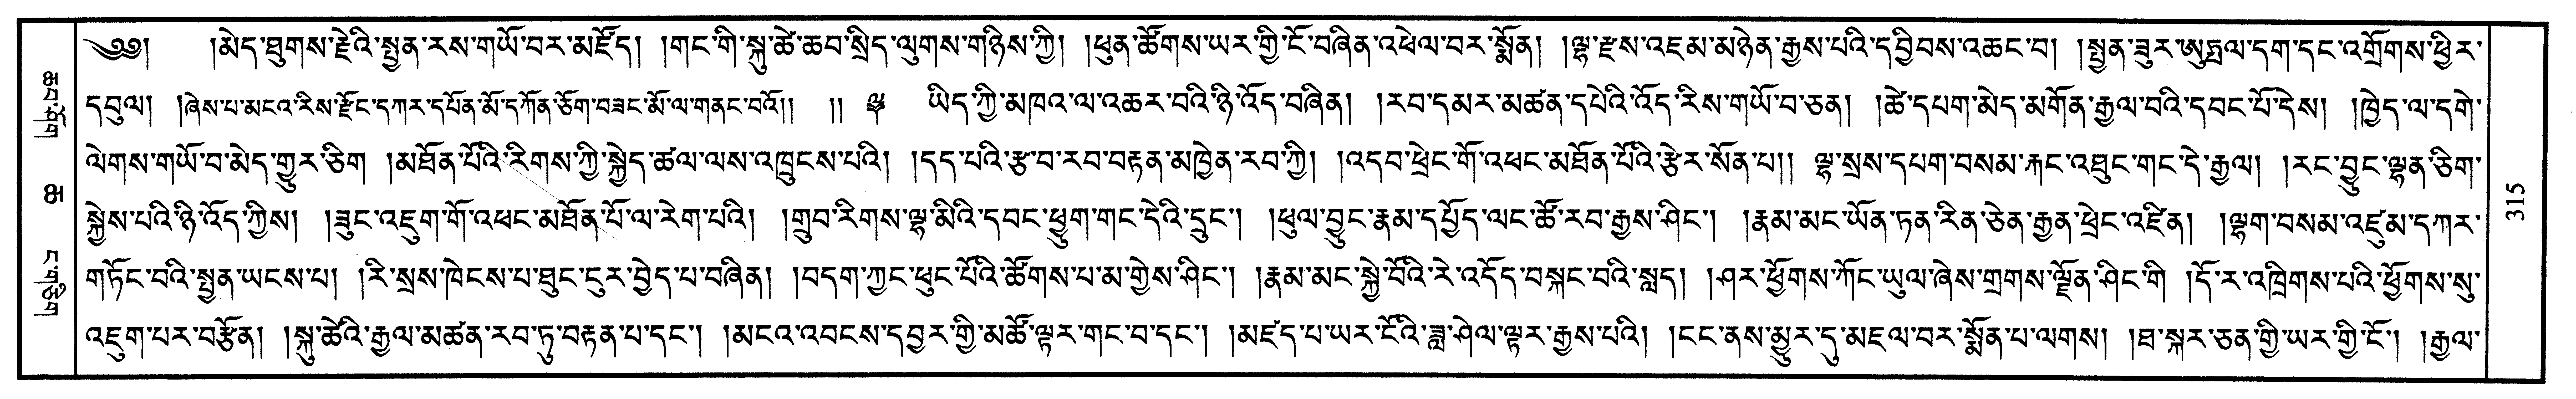༄༅། །མེད་ཐུགས་རྗེའི་སྤྱན་རས་གཡོ་བར་མཛོད། །གང་གི་སྐུ་ཚེ་ཆབ་སྲིད་ལུགས་གཉིས་ཀྱི། །ཕུན་ཚོགས་ཡར་གྱི་ངོ་བཞིན་འཕེལ་བར་སྨོན། །ལྷ་རྫས་འཇམ་མཉེན་རྒྱས་པའི་དབྱིབས་འཆང་བ། །སྤྱན་ཟུར་ཨུཏྤལ་དག་དང་འགྲོགས་ཕྱིར་
དབུལ། །ཞེས་པ་མངའ་རིས་རྫོང་དཀར་དཔོན་མོ་དཀོན་ཅོག་བཟང་མོ་ལ་གནང་བའོ།། །། ༈ ཡིད་ཀྱི་མཁའ་ལ་འཆར་བའི་ཉི་འོད་བཞིན། །རབ་དམར་མཚན་དཔེའི་འོད་རིས་གཡོ་བ་ཅན། །ཚེ་དཔག་མེད་མགོན་རྒྱལ་བའི་དབང་པོ་དེས། །ཁྱེད་ལ་དགེ་
ལེགས་གཡོ་བ་མེད་གྱུར་ཅིག །མཐོན་པོའི་རིགས་ཀྱི་སྐྱེད་ཚལ་ལས་འཁྲུངས་པའི། །དད་པའི་རྩ་བ་རབ་བརྟན་མཁྱེན་རབ་ཀྱི། །འདབ་ཕྲེང་གོ་འཕང་མཐོན་པོའི་རྩེར་སོན་པ།། ལྷ་སྲས་དཔག་བསམ་རྐང་འཐུང་གང་དེ་རྒྱལ། །རང་བྱུང་ལྷན་ཅིག་
སྐྱེས་པའི་ཉི་འོད་ཀྱིས། །ཟུང་འཇུག་གོ་འཕང་མཐོན་པོ་ལ་རེག་པའི། །གྲུབ་རིགས་ལྷ་མིའི་དབང་ཕྱུག་གང་དེའི་དྲུང་། །ཕུལ་བྱུང་རྣམ་དཔྱོད་ལང་ཚོ་རབ་རྒྱས་ཤིང་། །རྣམ་མང་ཡོན་ཏན་རིན་ཅེན་རྒྱན་ཕྲེང་འཛིན། །ལྷག་བསམ་འཛུམ་དཀར་
གཏོང་བའི་སྤྱན་ཡངས་པ། །རི་སྲས་ཁེངས་པ་ཐུང་ངུར་བྱེད་པ་བཞིན། །བདག་ཀྱང་ཕུང་པོའི་ཚོགས་པ་མ་གྱེས་ཤིང་། །རྣམ་མང་སྐྱེ་བོའི་རེ་འདོད་བསྐང་བའི་སླད། །ཤར་ཕྱོགས་ཀོང་ཡུལ་ཞེས་གྲགས་ལྗོན་ཤིང་གི །དོ་ར་འཁྲིགས་པའི་ཕྱོགས་སུ་
འཇུག་པར་བརྩོན། །སྐུ་ཚེའི་རྒྱལ་མཚན་རབ་ཏུ་བརྟན་པ་དང་། །མངའ་འབངས་དབྱར་གྱི་མཚོ་ལྟར་གང་བ་དང་། །མཛད་པ་ཡར་ངོའི་ཟླ་ཤེལ་ལྟར་རྒྱས་པའི། །ངང་ནས་མྱུར་དུ་མཇལ་བར་སྨོན་པ་ལགས། །ཐ་སྐར་ཅན་གྱི་ཡར་གྱི་ངོ། །རྒྱལ་